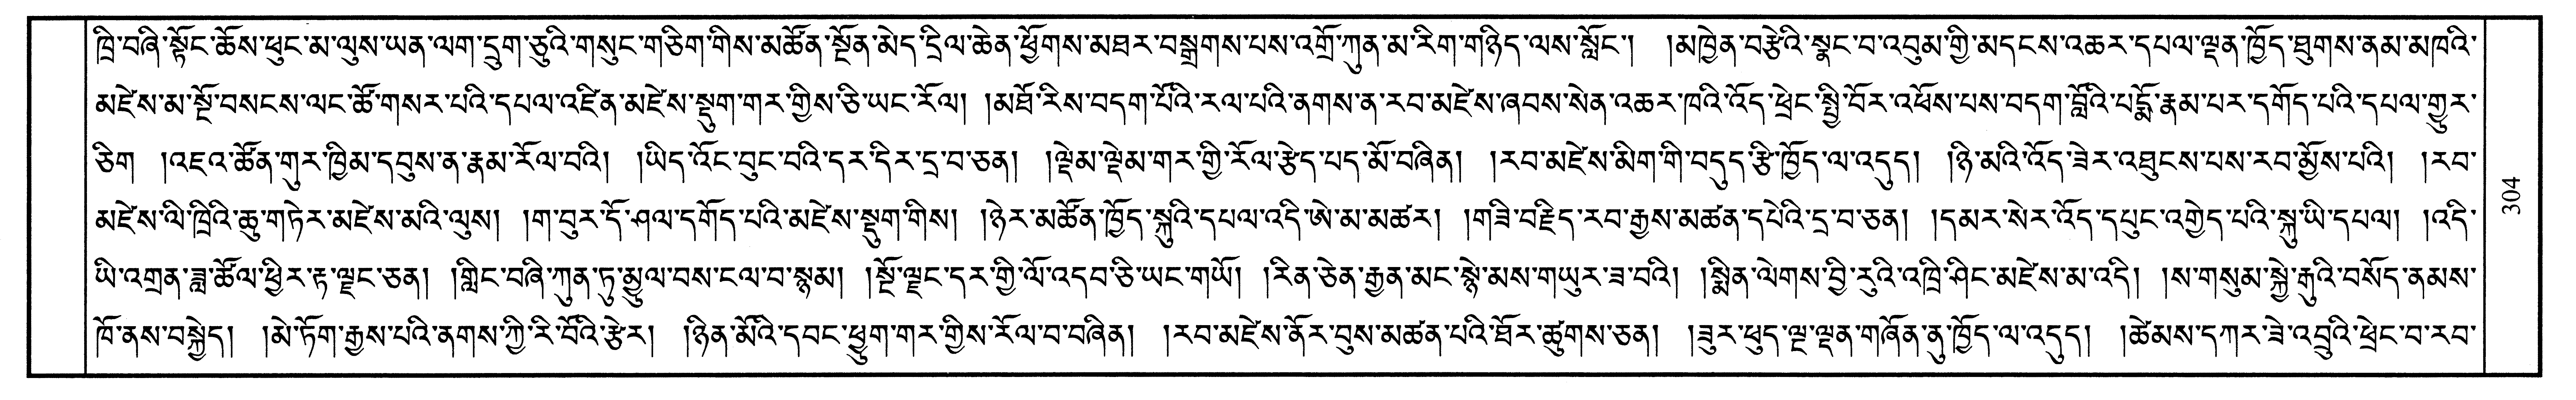ཁྲི་བཞི་སྟོང་ཆོས་ཕུང་མ་ལུས་ཡན་ལག་དྲུག་ཅུའི་གསུང་གཅིག་གིས་མཚོན་སྔོན་མེད་དྲིལ་ཆེན་ཕྱོགས་མཐར་བསྒྲགས་པས་འགྲོ་ཀུན་མ་རིག་གཉིད་ལས་སློང་། །མཁྱེན་བརྩེའི་སྣང་བ་འབུམ་གྱི་མདངས་འཆར་དཔལ་ལྡན་ཁྱོད་ཐུགས་ནམ་མཁའི་
མཛེས་མ་སྔོ་བསངས་ལང་ཚོ་གསར་པའི་དཔལ་འཛིན་མཛེས་སྡུག་གར་གྱིས་ཅི་ཡང་རོལ། །མཐོ་རིས་བདག་པོའི་རལ་པའི་ནགས་ན་རབ་མཛེས་ཞབས་སེན་འཆར་ཁའི་འོད་ཕྲེང་སྤྱི་བོར་འཕོས་པས་བདག་བློའི་པདམོ་རྣམ་པར་དགོད་པའི་དཔལ་གྱུར་
ཅིག །འཇའ་ཚོན་གུར་ཁྱིམ་དབུས་ན་རྣམ་རོལ་པའི། །ཡིད་འོང་བུང་བའི་དར་དིར་དྲ་བ་ཅན། །ལྡེམ་ལྡེམ་གར་གྱི་རོལ་རྩེད་པད་མོ་བཞིན། །རབ་མཛེས་མིག་གི་བདུད་རྩི་ཁྱོད་ལ་འདུད། །ཉི་མའི་འོད་ཟེར་འཐུངས་པས་རབ་མྱོས་པའི། །རབ་
མཛེས་ལི་ཁྲིའི་ཆུ་གཏེར་མཛེས་མའི་ལུས། །ག་བུར་དོ་ཤལ་དགོད་པའི་མཛེས་སྡུག་གིས། །ཉེར་མཚོན་ཁྱོད་སྐུའི་དཔལ་འདི་ཨེ་མ་མཚར། །གཟི་བརྗིད་རབ་རྒྱས་མཚན་དཔེའི་དྲ་བ་ཅན། །དམར་སེར་འོད་དཔུང་འགྱེད་པའི་སྐུ་ཡི་དཔལ། །འདི་
ཡི་འགྲན་ཟླ་ཚོལ་ཕྱིར་རྟ་ལྗང་ཅན། །གླིང་བཞི་ཀུན་ཏུ་མྱུལ་བས་ངལ་བ་སྙམ། །སྔོ་ལྗང་དར་གྱི་ལོ་འདབ་ཅི་ཡང་གཡོ། །རིན་ཅེན་རྒྱན་མང་སྙེ་མས་གཡུར་ཟ་བའི། །སྨིན་ལེགས་བྱི་རུའི་འཁྲི་ཤིང་མཛེས་མ་འདི། །ས་གསུམ་སྐྱེ་རྒུའི་བསོད་ནམས་
ཁོ་ནས་བསྐྱེད། །མེ་ཏོག་རྒྱས་པའི་ནགས་ཀྱི་རི་བོའི་རྩེར། །ཉིན་མོའི་དབང་ཕྱུག་གར་གྱིས་རོལ་བ་བཞིན། །རབ་མཛེས་ནོར་བུས་མཚན་པའི་ཐོར་ཚུགས་ཅན། །ཟུར་ཕུད་ལྔ་ལྡན་གཞོན་ནུ་ཁྱོད་ལ་འདུད། །ཚེམས་དཀར་ཟེ་འབྲུའི་ཕྲེང་བ་རབ་